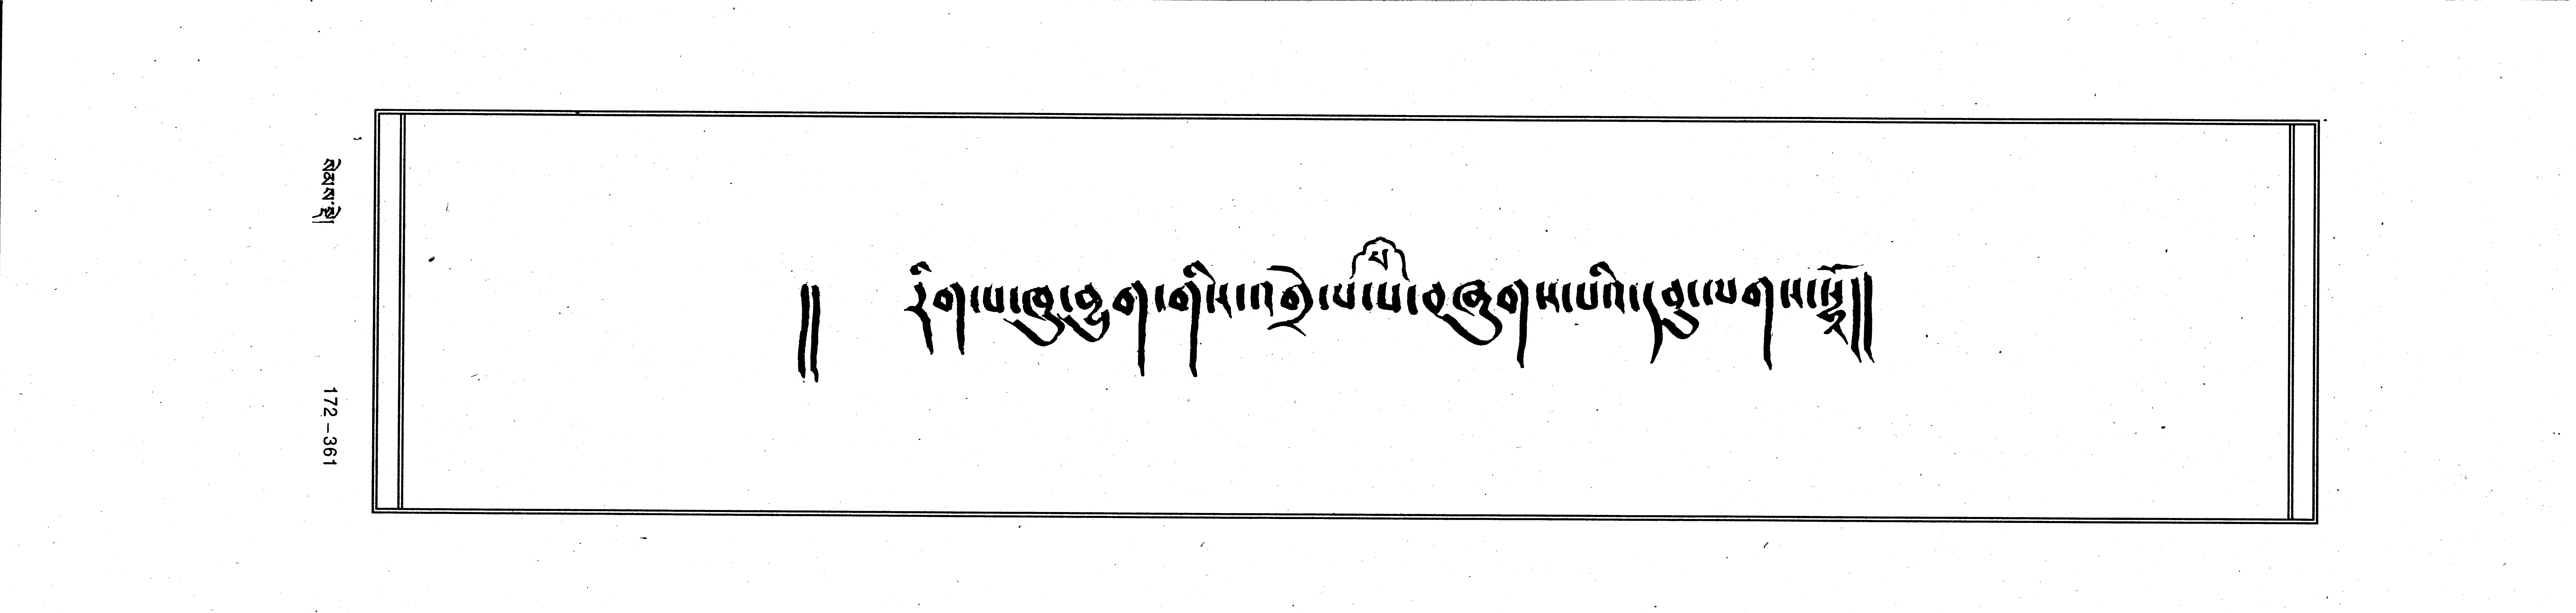༼པ༽རིག་པ་ཁུ་བྱུག་གིས་འགྲེལ་པ་བཞུགས་པའི་དབུ་ལགས་སྷཱོ།།